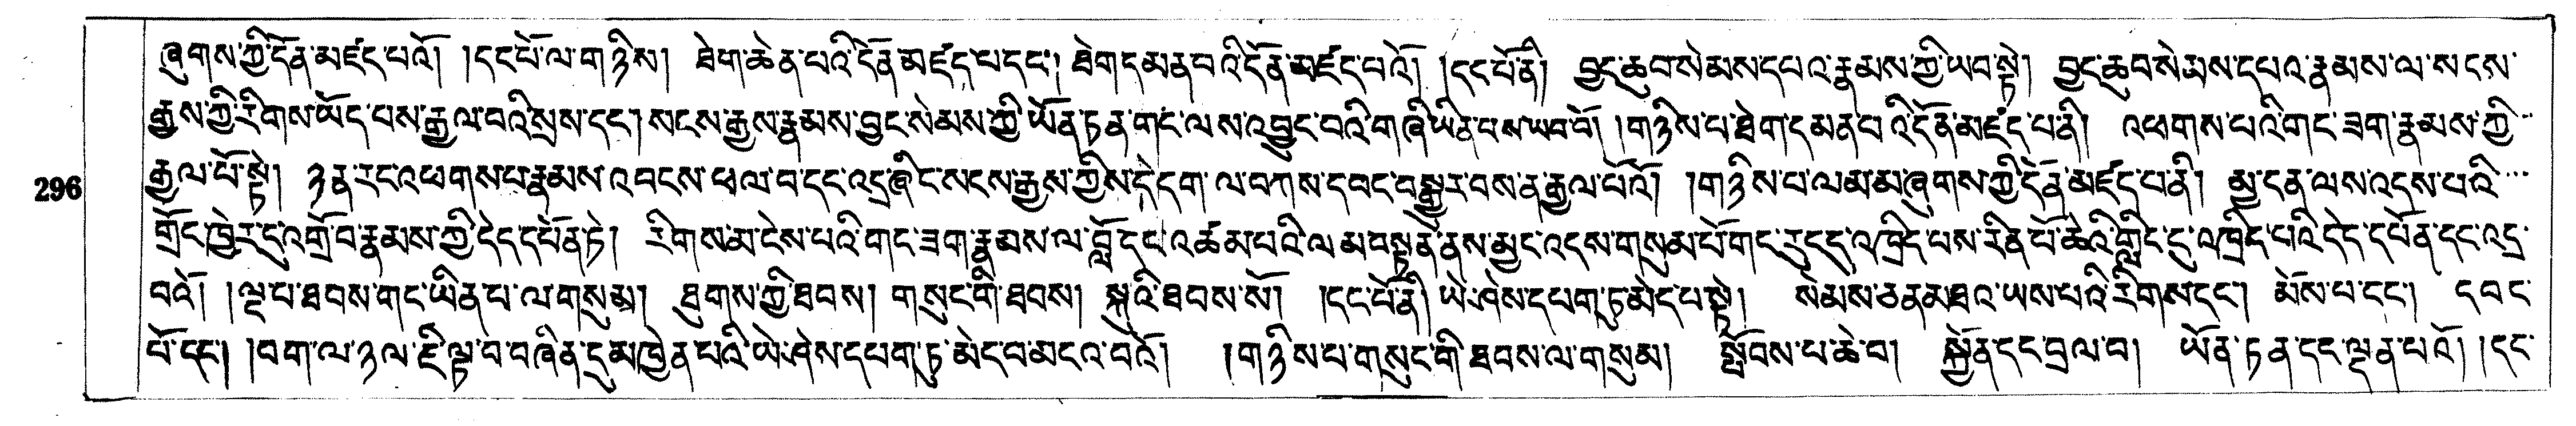ཞུགས་ཀྱི་དོན་མཛད་པའོ། །དང་པོ་ལ་གཉིས། ཐེག་ཆེན་པའི་དོན་མཛད་པ་དང་། ཐེག་དམན་པའི་དོན་མཛད་པའོ། །དང་པོ་ནི། བྱང་ཆུབ་སེམས་དཔའ་རྣམས་ཀྱི་ཡབ་སྟེ། བྱང་ཆུབ་སེམས་དཔའ་རྣམས་ལ་སངས་
རྒྱས་ཀྱི་རིགས་ཡོད་པས་རྒྱལ་བའི་སྲས་དང་། སངས་རྒྱས་རྣམས་བྱང་སེམས་ཀྱི་ཡོན་ཏན་གང་ལས་འབྱུང་བའི་གཞི་ཡིན་པས་ཡབ་བོ། །གཉིས་པ་ཐེག་དམན་པའི་དོན་མཛད་པ་ནི། འཕགས་པའི་གང་ཟག་རྣམས་ཀྱི་
རྒྱལ་པོ་སྟེ། ཉན་རང་འཕགས་པ་རྣམས་འབངས་ཕལ་བ་དང་འདྲ་ཞིང་སངས་རྒྱས་ཀྱིས་དེ་དག་ལ་བཀས་དབང་བསྒྱུར་བས་ན་རྒྱལ་པོའོ། །གཉིས་པ་ལམ་མ་ཞུགས་ཀྱི་དོན་མཛད་པ་ནི། མྱ་ངན་ལས་འདས་པའི་
གྲོང་ཁྱེར་དུ་འགྲོ་བ་རྣམས་ཀྱི་དེད་དཔོན་ཏེ། རིགས་མ་ངེས་པའི་གང་ཟག་རྣམས་ལ་བློ་དང་འཚམ་པའི་ལམ་བསྟན་ནས་མྱང་འདས་གསུམ་པོ་གང་རུང་དུ་འཁྲིད་པས་རིན་པོ་ཆེའི་གླིང་དུ་འཁྲིད་པའི་དེད་དཔོན་དང་འདྲ་
བའོ། །ལྔ་པ་ཐབས་གང་ཡིན་པ་ལ་གསུམ། ཐུགས་ཀྱི་ཐབས། གསུང་གི་ཐབས། སྐུའི་ཐབས་སོ། །དང་པོ་ནི། ཡེ་ཤེས་དཔག་ཏུ་མེད་པ་སྟེ། སེམས་ཅན་མཐའ་ཡས་པའི་རིགས་དང་། མོས་པ་དང་། དབང་
པོ་དང་། །བག་ལ་ཉལ་ཇི་ལྟ་བ་བཞིན་དུ་མཁྱེན་པའི་ཡེ་ཤེས་དཔག་ཏུ་མེད་པ་མངའ་བའོ། །གཉིས་པ་གསུང་གི་ཐབས་ལ་གསུམ། སྤོབས་པ་ཆེ་བ། སྐྱོན་དང་བྲལ་བ། ཡོན་ཏན་དང་ལྡན་པའོ། །དང་